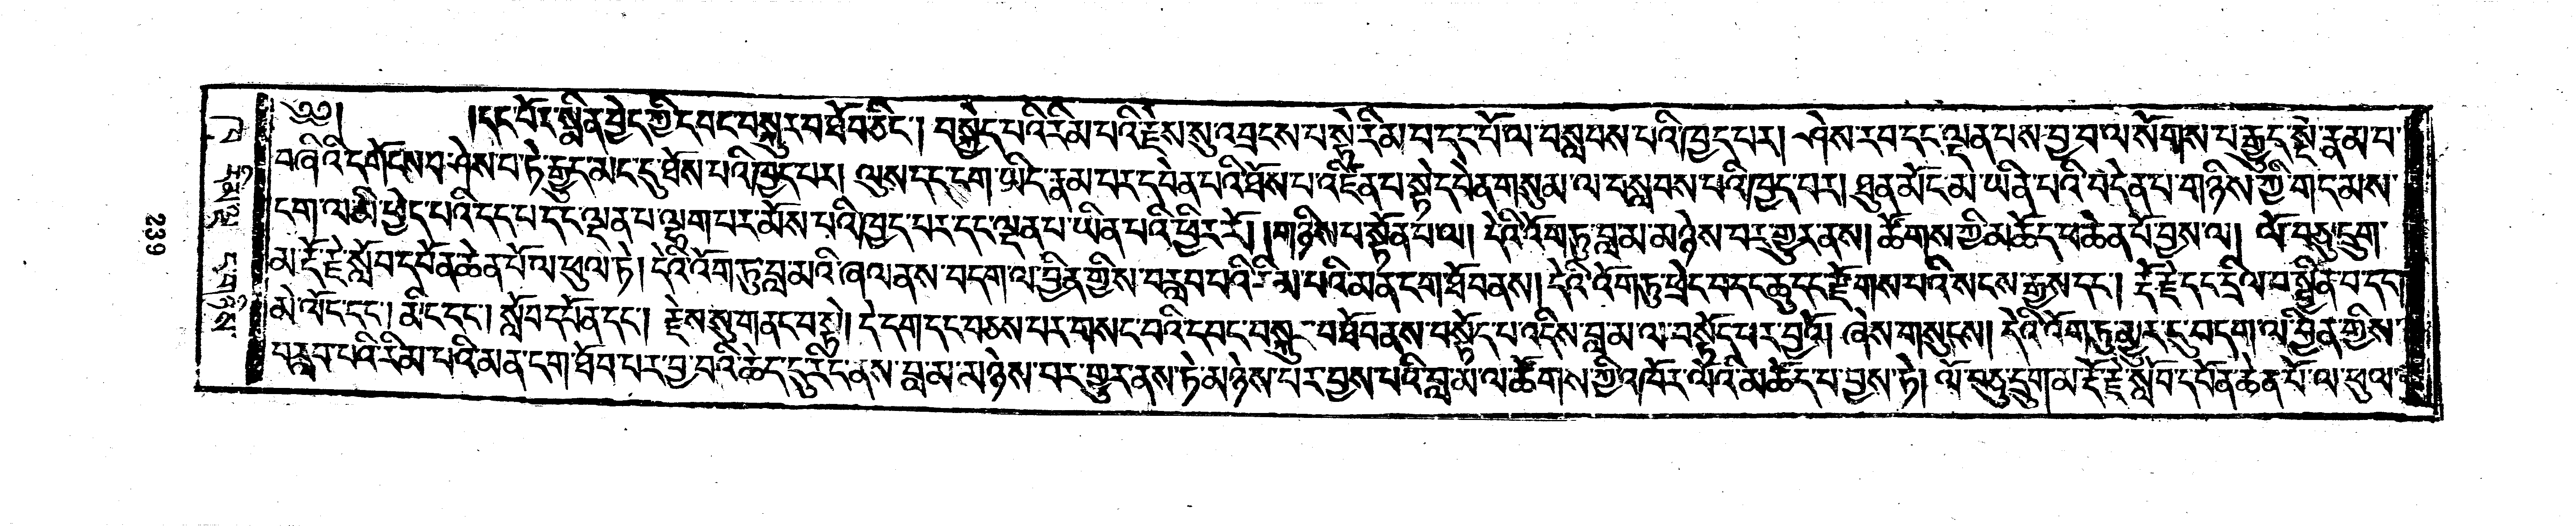༄༅། །དང་པོར་སྨིན་བྱེད་ཀྱི་དབང་བསྐུར་བ་ཐོབ་ཅིང་། བསྐྱེད་པའི་རིམ་པའི་རྗེས་སུ་འབྲངས་པ་སྟེ་རིམ་པ་དང་པོ་ལ་བསླབས་པའི་ཁྱད་པར། ཤེས་རབ་དང་ལྡན་པས་བྱ་བ་ལ་སོགས་པ་རྒྱུད་སྡེ་རྣམ་པ་
བཞིའི་དགོངས་པ་ཤེས་པ་ཏེ་རྒྱུད་མང་དུ་ཐོས་པའི་ཁྱད་པར། ལུས་དང་ངག་ཡིད་རྣམ་པར་དབེན་པའི་ཐོས་པ་འཛིན་པ་སྟེ་དབེན་གསུམ་ལ་བསླབས་པའི་ཁྱད་པར། ཐུན་མོང་མ་ཡིན་པའི་བདེན་པ་གཉིས་ཀྱི་གདམས་
ངག་ལ་མི་ཕྱེད་པའི་དད་པ་དང་ལྡན་པ་ལྷག་པར་མོས་པའི་ཁྱད་པར་དང་ལྡན་པ་ཡིན་པའི་ཕྱིར་རོ། །གཉིས་པ་སྟོན་པ་ལ། དེའི་འོག་ཏུ་བླ་མ་མཉེས་པར་གྱུར་ནས། ཚིགས་ཀྱི་མཆོད་པ་ཆེན་པོ་བྱས་ལ། ལོ་བཅུ་དྲུག་
མ་རྡོ་རྗེ་སློབ་དཔོན་ཆེན་པོ་ལ་ཕུལ་ཏེ། དེའི་འོག་ཏུ་བླ་མའི་ཞལ་ནས་བདག་ལ་བྱིན་གྱིས་བརླབ་པའི་རིམ་པའི་མན་ངག་ཐོབ་ནས། དེའི་འོག་ཏུ་ཕྲེང་བ་དང་ཆུ་དང་རྫོགས་པའི་སངས་རྒྱས་དང་། རྡོ་རྗེ་དང་དྲིལ་བུ་སྦྱིན་པ་དང་
མེ་ལོང་དང་། མིང་དང་། སློབ་དཔོན་དང་། རྗེས་སུ་གནང་བ་སྟེ། དེ་དག་དང་བཅས་པར་གསང་བའི་དབང་བསྐུར་བ་ཐོབ་ནས་བསྟོད་པ་འདིས་བླ་མ་ལ་བསྟོད་པར་བྱའོ། ཞེས་གསུངས། དེའི་འོག་ཏུ་མྱུར་དུ་བདག་ལ་བྱིན་གྱིས་
བརླབ་པའི་རིམ་པའི་མན་ངག་ཐོབ་པར་བྱ་བའི་ཆེད་དུ་རིང་ནས་བླ་མ་མཉེས་པར་གྱུར་ནས་ཏེ་མཉེས་པར་བྱས་པའི་བླ་མ་ལ་ཚོགས་ཀྱི་འཁོར་ལོའི་མཆོད་པ་བྱས་ཏེ། ལོ་བཅུ་དྲུག་མ་རྡོ་རྗེ་སློབ་དཔོན་ཆེན་པོ་ལ་ཕུལ་